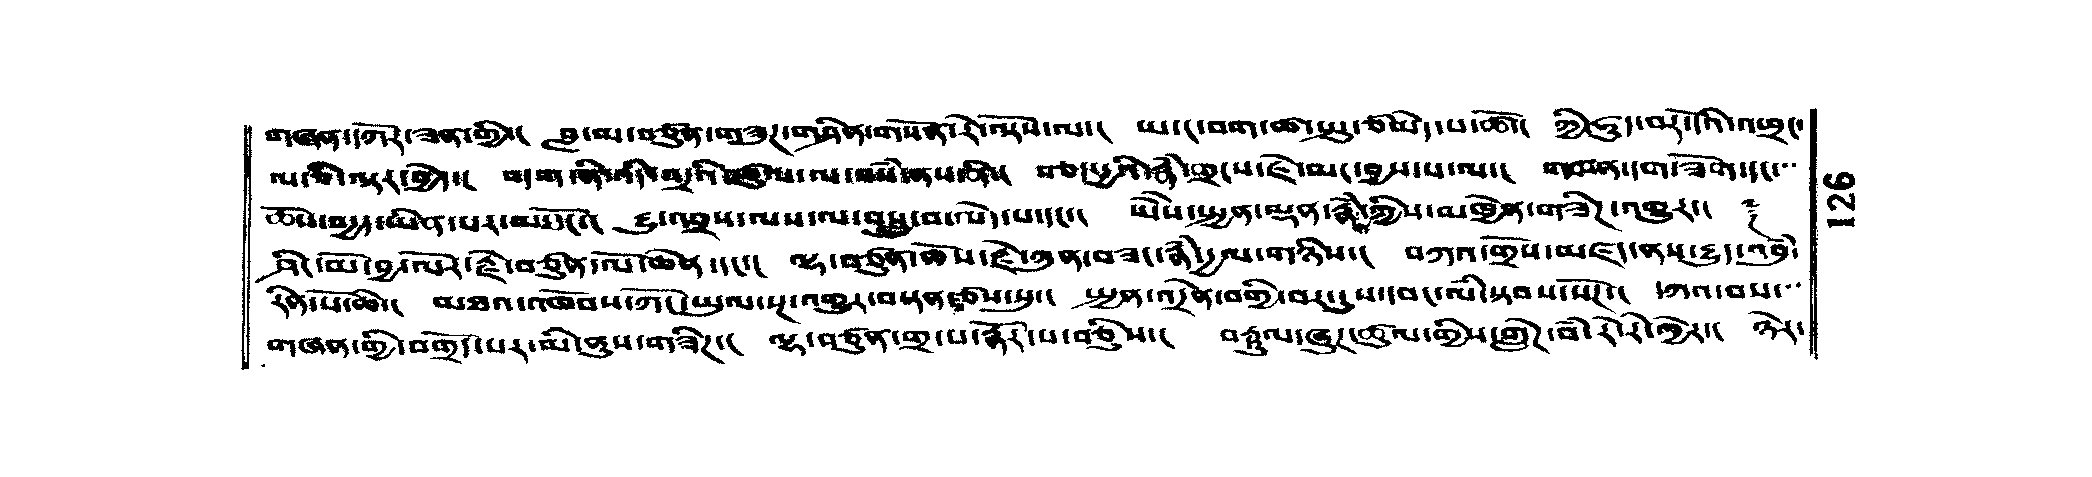གཞན་དཀོར་ཟན་གྱི། །བླ་མ་བཙུན་གཟུགས་གཤིན་གསོན་རེ་ལྟོས་ལ། །ཡ་ང་བག་ཚ་སྤུ་ཙམ་མེད་པ་ཚོ། །ཀྱི་ཧུད་བར་དོའི་འཕྲང་
ལ་ཅི་ལྟར་བྱེད། །བདག་ནི་འདི་འདྲའི་ཚུལ་ལ་བསམ་ནས་ནི། །བཅད་རྒྱའི་རྣམ་གྲངས་ཇེ་མང་བྱས་པ་ལས། །གཞན་དག་ཟོག་དང་
ཆོས་བརྒྱད་ཡིན་པར་མཐོང་། །རྒྱུ་འབྲས་ལས་ལ་བསླུ་བ་མེད་པ་དང་། །ཡེ་ཤེས་སྤྱན་ལྡན་རྣམས་ཀྱིས་མཁྱེན་གཟིགས་འགྱུར། །
ཤིང་མོ་བྱ་ལོར་རྗེ་བཙུན་ལོ་ཆེན་དང་། །ལྷ་བཙུན་ཆོས་རྗེ་ཀུན་བཟང་རྣམ་རྒྱལ་གཉིས། །བཀའ་གྲོས་མཛད་ནས་རྒྱུད་འབུམ་
རིན་པོ་ཆེ། །མཐའ་འཁོབ་ཀོང་ཡུལ་སྔ་འགྱུར་བསྟན་བཙས་སུ། །སྤྱན་འདྲེན་བགྱི་བར་དུས་དབང་ལམ་སྟབས་སོགས། །དཀའ་བས་
གཞན་གྱི་བགྲོད་པར་མི་ནུས་གཟིགས། །ལྷ་བཙུན་གྲྭ་པ་རྣལ་འབྱོར་པ་བཅུ་གཉིས། །བརྟུལ་ཞུགས་ཚུལ་གྱིས་གླེགས་བམ་རེ་རེ་ཁྱེར། །ཉེར་